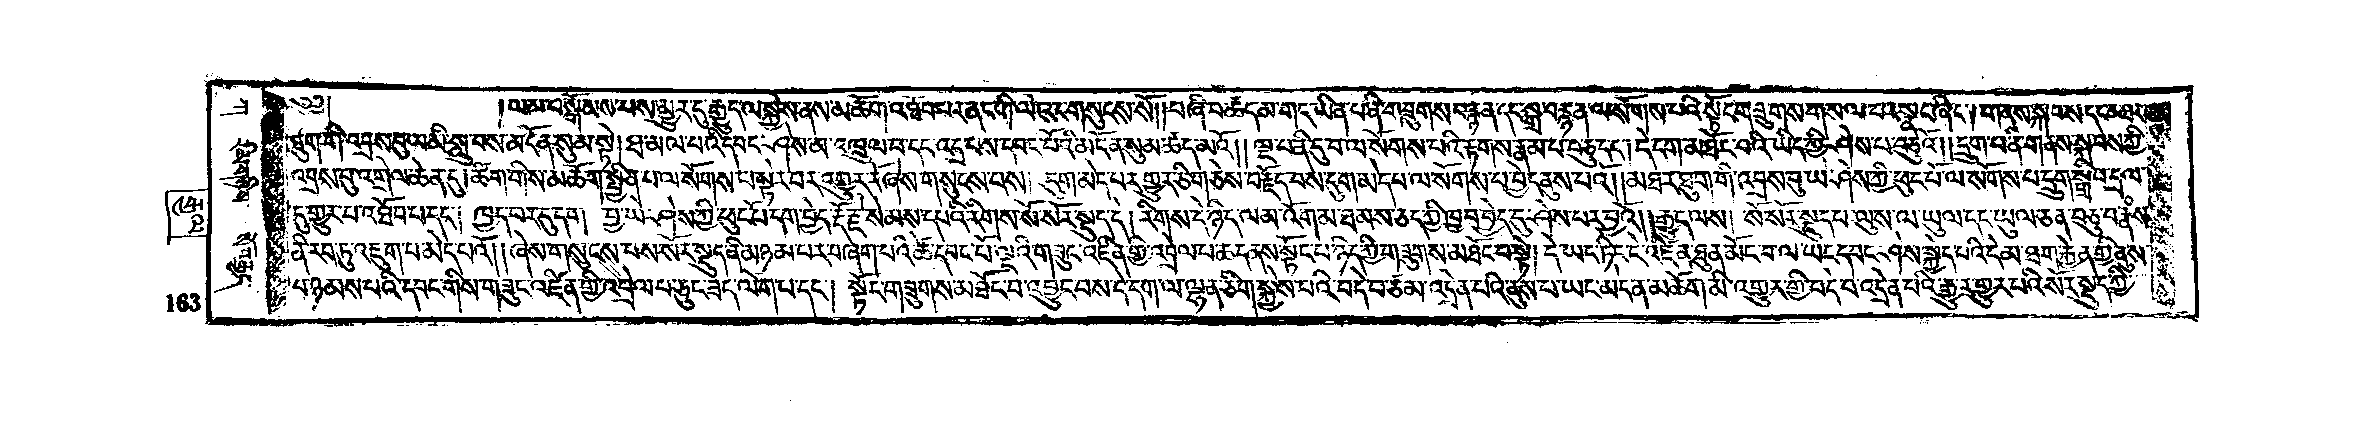༄༅། །ལམ་བསྒོམས་པས་མྱུར་དུ་རྒྱུད་ལ་སྐྱེས་ནས་མཆོག་འཐོབ་པར་ནང་གི་ལེའུར་གསུངས་སོ། །བཞི་པ་ཚད་མ་གང་ཡིན་པ་ནི་གཟུགས་བརྙན་དང་སྒྲ་བརྙན་ལ་སོགས་པའི་སྟོང་གཟུགས་གསལ་བར་སྣང་ཞིང་། གནས་སྐབས་དང་མཐར་
ཐུག་གི་འབྲས་བུ་ལ་མི་སླུ་བས་མངོན་སུམ་སྟེ། ཐ་མལ་པའི་དབང་ཤེས་མ་འཁྲུལ་བ་དང་འདྲ་བས་དབང་པོའི་མངོན་སུམ་ཚད་མའོ། །ལྔ་པ་ནི་དུ་བ་ལ་སོགས་པའི་རྟགས་རྣམ་པ་བཅུ་དང་། དེ་དག་མཐོང་བའི་ཡིད་ཀྱི་ཤེས་པ་བཅུའོ། །དྲུག་པ་ནི་གནས་སྐབས་ཀྱི་
འབྲས་བུ་འགྲེལ་ཆེན་དུ། ཚིག་གིས་མཆོག་སྦྱིན་པ་ལ་སོགས་པ་སྟེར་བར་འགྱུར་རོ་ཞེས་གསུངས་པས། དྲུག་མེད་པར་གྱུར་ཅིག་ཅེས་བརྗོད་པས་དུག་མེད་པ་ལ་སོགས་པ་བྱེད་ནུས་པའོ། །མཐར་ཐུག་གི་འབྲས་བུ་ཡེ་ཤེས་ཀྱི་ཕུང་པོ་ལ་སོགས་པ་དྲུག་སྒྲིབ་དྲལ་
དུ་གྱུར་པ་འཐོབ་པ་དང་། ཁྱད་པར་དུ་དག་བྱ་ཡེ་ཤེས་ཀྱི་ཕུང་པོ་དག་བྱེད་རྡོ་རྗེ་སེམས་དཔའི་རིགས་སོ་སོར་སྡུད་དེ། རིགས་དེ་ཉིད་ལམ་འོག་མ་ཐམས་ཅད་ཀྱི་ཁྱབ་བྱེད་དུ་ཤེས་པར་བྱའོ། །རྒྱུད་ལས། སོ་སོར་སྡུད་པ་ལུས་ལ་ཡུལ་དང་ཡུལ་ཅན་བཅུ་པ་རྣམས་
ནི་རབ་ཏུ་འཇུག་པ་མེད་པའོ། །ཞེས་གསུངས་པས་སོར་སྡུད་ནི་མཉམ་པར་བཞག་པའི་ཚེ་དབང་པོ་ལྔའི་གཟུང་འཛིན་གྱི་འབྲེལ་བ་ཆད་ནས་སྟོང་པ་ཉིད་ཀྱི་གཟུགས་མཐོང་བ་སྟེ། དེ་ཡང་ཏིང་ངེ་འཛིན་ཐུན་མོང་བ་ལ་ཡང་དབང་ཤེས་སྐྱེད་པའི་དེ་མ་ཐག་རྐྱེན་གྱི་ནུས་
པ་ཉམས་པའི་དབང་གིས་གཟུང་འཛིན་གྱི་འབྲེལ་བ་ཅུང་ཟད་ལོག་པ་དང་། སྟོང་གཟུགས་མཐོང་བ་འབྱུང་བས་དེ་དག་ལ་ལྷན་ཅིག་སྐྱེས་པའི་བདེ་བ་ཙམ་འདྲེན་པའི་ནུས་པ་ཡང་མེད་ན་མཆོག་མི་འགྱུར་གྱི་བདེ་བ་འདྲེན་པའི་རྒྱུར་གྱུར་པའི་སོར་སྡུད་ཀྱི་